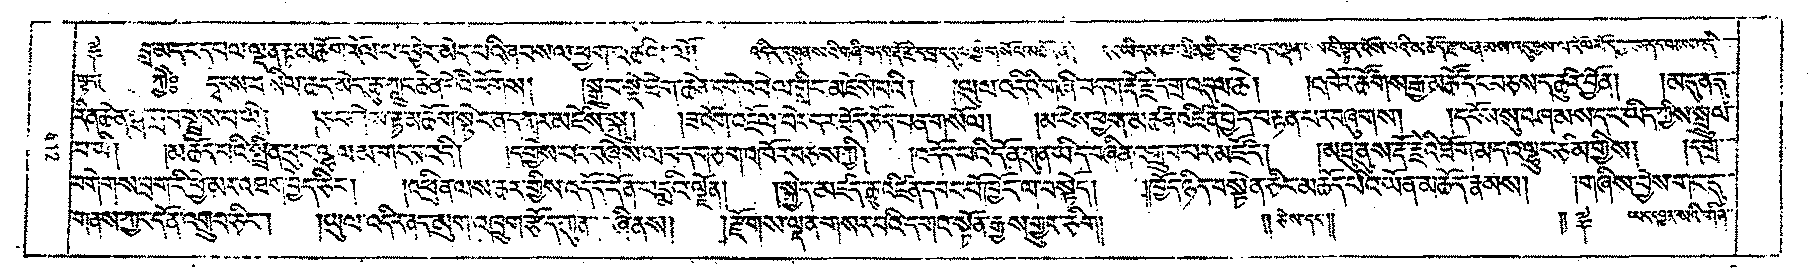༈ བླ་མ་དང་དཔལ་ལྡན་རྟ་མཆོག་རོལ་པ་དབྱེར་མེད་པའི་ཞབས་ལ་ཕྱག་འཚལ་ལོ། འདིར་དགུན་སའི་གཞི་བདག་རྡོ་རྗེ་དགྲ་འདུལ་གྱི་གསོལ་མཆོད་ནི། རང་ཡི་དམ་རྟ་མགྲིན་གྱི་ང་རྒྱལ་དང་ལྡན་པས་ཇི་ལྟར་འོས་པའི་མཆོད་རྫས་རྣམས་འདུ་བྱས་ལ་རོལ་མོ་དབྱངས་དང་བཅས་འདི་
ལྟར། ཀྱཻཿ དྭངས་བསིལ་ཆད་མེད་ཆུ་ཀླུང་ཆེན་པོའི་ངོགས། །སྒྲུབ་སྡེ་ཐེག་ཆེན་དགེ་འཕེལ་གླིང་མཛེས་པའི། །ཡུལ་འདིའི་གཞི་བདག་རྡོ་རྗེ་དགྲ་འདུལ་ཆེ། །འཁོར་ཚོགས་རྒྱ་མཚོ་དང་བཅས་ད་ཚུར་བྱོན། །མདུན་དུ་
རིན་ཆེན་སྒ་སྲབ་སྤྲས་པ་ཡི། །ཅང་ཤེས་རྟ་མཆོག་སྟེང་ན་དཀར་མཛེས་སྐུ། །ཟ་འོག་འཇོལ་བེར་དར་ཐོད་ཅོད་པན་གསོལ། །མ་ངེས་ཕྱག་མཚན་འཛིན་བྱེད་བརྟན་པར་བཞུགས། །དངོས་སུ་བཤམས་དང་ཡིད་ཀྱིས་སྤྲུལ་
པ་ཡི། །མཆོད་པའི་སྤྲིན་ཕུང་ལྷ་ལམ་གང་བ་འདི། །དགྱེས་པར་བཞེས་ལ་བདག་ཅག་འཁོར་བཅས་ཀྱི། །འདོད་པའི་དོན་ཀུན་ཡིད་བཞིན་འགྲུབ་པར་མཛོད། །མཐུ་ནུས་རྡོ་རྗེའི་ཐོག་མདའ་ལྷུང་ཙམ་གྱིས། །དགྲ་
བགེགས་བྲག་རི་ཕྱེ་མར་འཐག་བྱེད་ཅིང་། །འཕྲིན་ལས་ཆར་གྱིས་འདོད་དོན་པདམའི་ལྗོན། །སྐྱེད་མཛད་ཆུ་འཛིན་དབང་པོ་ཁྱོད་ལ་བསྟོད། །ཁྱོད་ཉིད་བསྟེན་ཅིང་མཆོད་པའི་ཡོན་མཆོད་རྣམས། །གཞིས་བྱེས་གང་དུ་
གནས་ཀྱང་དོན་འགྲུབ་ཅིང་། །ཡུལ་འདིར་ནད་མུག་འཁྲུག་རྩོད་ཀུན་ཞི་ནས། །རྫོགས་ལྡན་གསར་པའི་དགའ་སྟོན་རྒྱས་གྱུར་ཅིག ། །།ཅེས་དང།། །།༈ ཡང་དབྱར་སའི་གཞི་